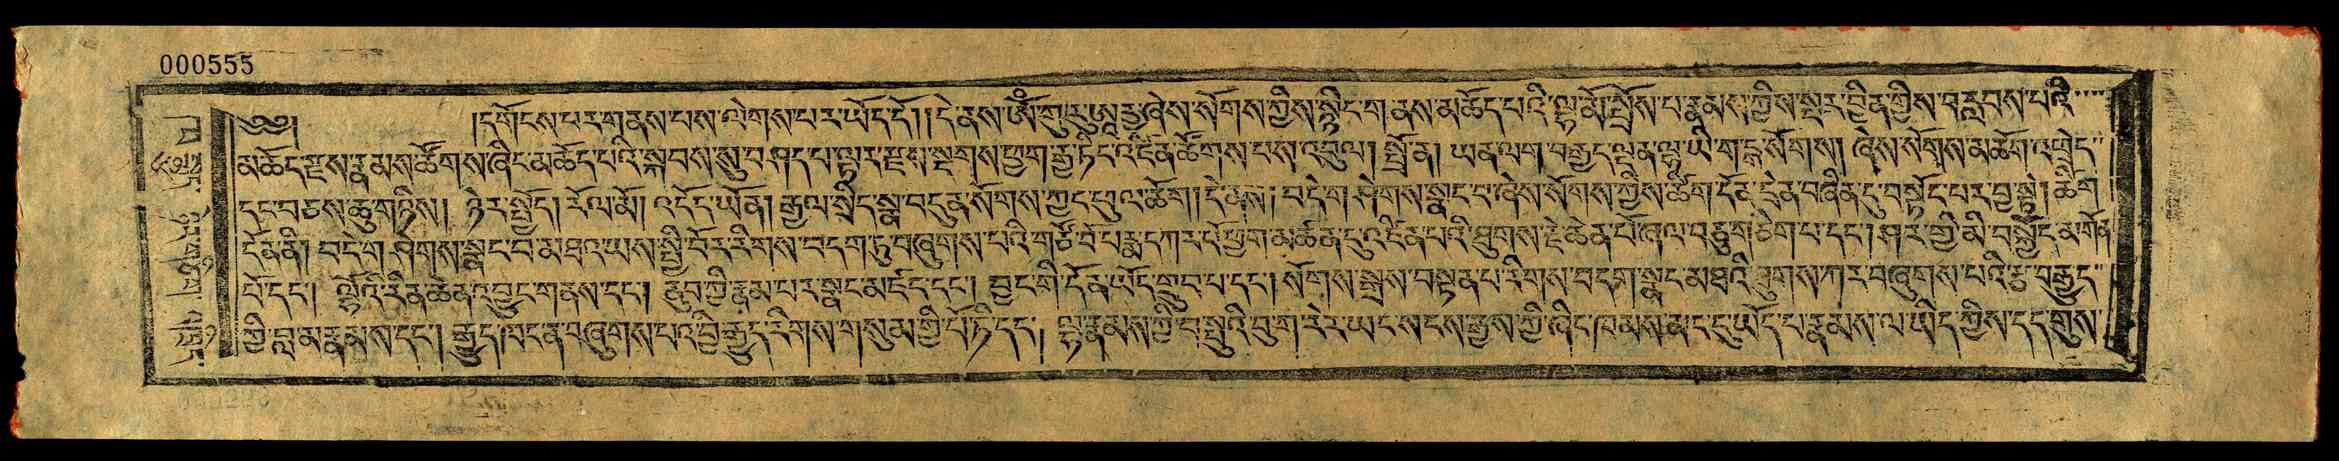༄༅། །དགོངས་པར་གནས་པས་ལེགས་པར་ཡོད་དོ། །དེ་ནས་ཨོཾ་གུ་རུ་ཨཱརྱ་ཞེས་སོགས་ཀྱིས་སྙིང་གནས་མཆོད་པའི་ལྷ་མོ་སྤྲོས་པ་རྣམས་ཀྱིས་སྔར་བྱིན་གྱིས་བརླབས་པའི་
མཆོད་རྫས་རྣམས་ཚོགས་ཞིང་མཆོད་པའི་སྐབས་སུ་བཤད་པ་ལྟར་རྫས་སྔགས་ཕྱག་རྒྱ་ཏིང་འཛིན་ཚོགས་པས་འབུལ། སྤྲོ་ན། ཡན་ལག་བརྒྱད་ལྡན་ལྷ་ཡི་གངྒ་སོགས། ཞེས་སོགས་མཆོད་འཕྲེང་
དང་བཅས་ཆུ་གཉིས། ཉེར་སྤྱོད། རོལ་མོ། འདོད་ཡོན། རྒྱལ་སྲིད་སྣ་བདུན་སོགས་ཀྱང་ཕུལ་ཆོག །དེ་ནས། བདེ་གཤེགས་སྣང་བ་ཞེས་སོགས་ཀྱིས་ཚིག་དོན་དྲན་བཞིན་དུ་བསྟོད་པར་བྱ་སྟེ། ཚིག་
དོན་ནི། བདེ་གཤེགས་སྣང་བ་མཐའ་ཡས་སྤྱི་བོར་རིགས་བདག་ཏུ་བཞུགས་པའི་གཙོ་བོ་པདམ་དཀར་པོ་ཕྱག་མཚན་དུ་འཛིན་པའི་ཐུགས་རྗེ་ཆེན་པོ་ཞལ་བཅུ་གཅིག་པ་དང་། ཤར་གྱི་མི་བསྐྱོད་མགོན་
པོ་དང་། ལྷོའི་རིན་ཆེན་འབྱུང་གནས་དང་། ནུབ་ཀྱི་རྣམ་པར་སྣང་མཛད་དང་། བྱང་གི་དོན་ཡོད་གྲུབ་པ་དང་། སོགས་སྒྲས་བསྟན་པ་རིགས་བདག་སྣང་མཐའི་ཐུགས་ཀར་བཞུགས་པའི་རྩ་བརྒྱུད་
ཀྱི་བླ་མ་རྣམས་དང་། རྒྱུད་ཁང་ན་བཞུགས་པའི་བྱ་རྒྱུད་རིགས་གསུམ་གྱི་པོ་ཏི་དང་། ལྷ་རྣམས་ཀྱི་བ་སྤུའི་བུ་ག་རེར་ཡང་སངས་རྒྱས་ཀྱི་ཞིང་ཁམས་མང་དུ་ཡོད་པ་རྣམས་ལ་ཡིད་ཀྱིས་དད་གུས་